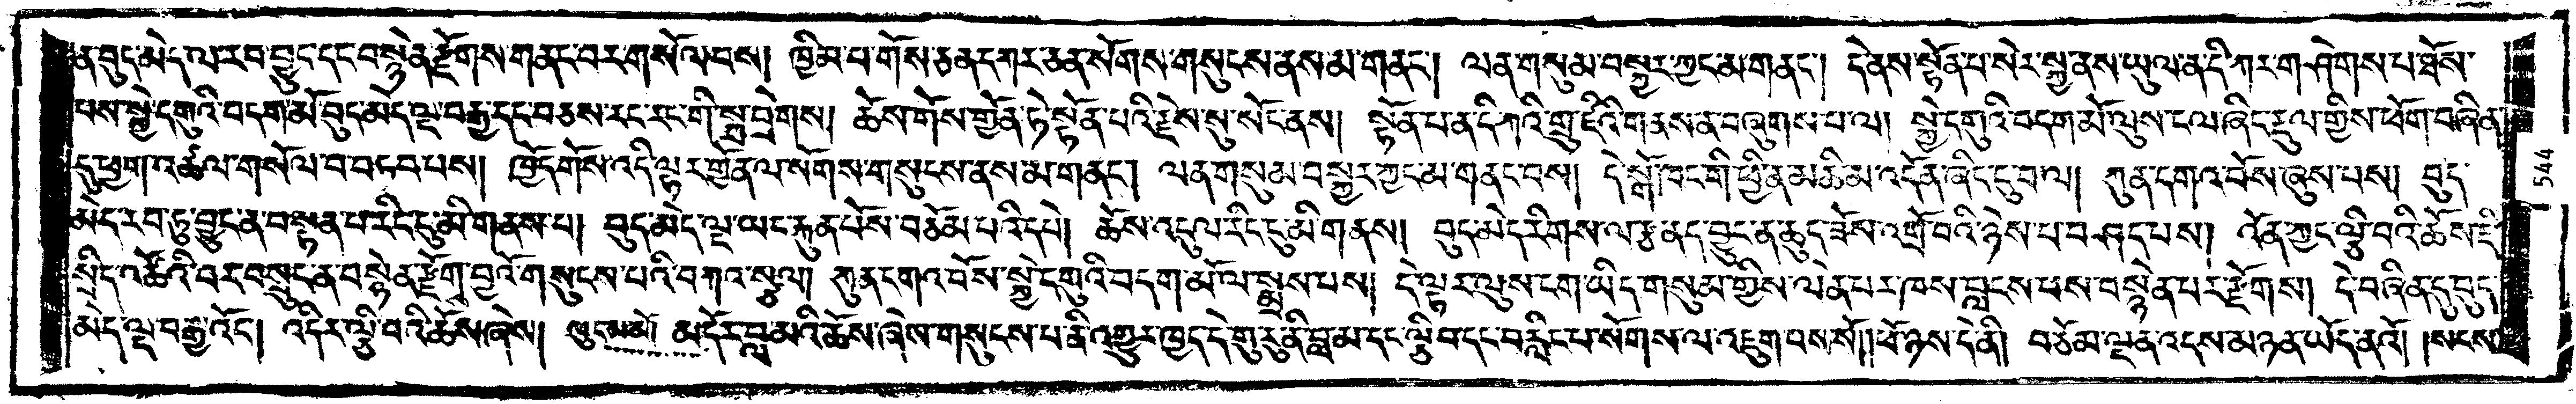ན་བུད་མེད་ལ་རབ་བྱུང་དང་བསྙེན་རྫོགས་གནང་བར་གསོལ་བས། ཁྱིམ་པ་གོས་ཅན་དཀར་ཅན་སོགས་གསུངས་ནས་མ་གནང་། ལན་གསུམ་བསྐྱར་ཀྱང་མ་གནང་། དེ་ནས་སྟོན་པ་སེར་སྐྱ་ནས་ཡུལ་ན་དི་ཀར་གཤེགས་པ་ཐོས་
པས་སྐྱེ་དགུའི་བདག་མོ་བུད་མེད་ལྔ་བརྒྱ་དང་བཅས་རང་རང་གི་སྐྲ་པྲེགས། ཆོས་གོས་གྱོན་ཏེ་སྟོན་པའི་རྗེས་སུ་སོང་ནས། སྟོན་པ་ན་དི་ཀའི་གྲུ་ཛིའི་གནས་ན་བཞུགས་པ་ལ། སྐྱེ་དགུའི་བདག་མོ་ལུས་ངལ་ཞིང་རྡུལ་གྱིས་ཕོག་བཞིན་
དུ་ཕྱག་འཚལ་གསོལ་བ་བཏབ་པས། ཁྱོད་གོས་འདི་ལྟར་གྱོན་ལ་སོགས་གསུངས་ནས་མ་གནང་། ལན་གསུམ་བསྐྱར་ཀྱང་མ་གནང་བས། དེ་སྒོ་ཁང་གི་ཕྱི་ན་མཆིམ་འདོན་ཞིང་དུ་བ་ལ། ཀུན་དགའ་བོས་ཞུས་པས། བུད་
མེད་རབ་ཏུ་བྱུང་ན་བསྟན་པ་རིང་དུ་མི་གནས་པ། བུད་མེད་ལྔ་ཡང་རྐུན་པོས་བཅོམ་པའི་དཔེ། ཆོས་འདུལ་རིང་དུ་མི་གནས། བུད་མེད་རིགས་ལ་རྩ་ནད་བྱུང་ན་ཆུད་ཟོད་འགྲོ་བའི་ཉེས་པ་བཤད་པས། འོན་ཀྱང་ལྕི་བའི་ཆོས་ཇི་
སྲིད་འཚོའི་བར་བསྲུང་ན་བསྙན་རྫོགས། བྱའོ་གསུངས་པའི་བཀའ་སྩལ། ཀུན་དགའ་བོས་སྐྱེ་དགུའི་བདག་མོ་ལ་སྨྲས་པས། དེ་ལྟར་ལུས་ངག་ཡིད་གསུམ་གྱིས་ལེན་པར་ཁས་བླངས་པས་བསྙེན་པར་རྫོགས། དེ་བཞིན་དུ་བུད་
མེད་ལྔ་བརྒྱ་འོང་། འདིར་ལྕི་ངའི་ཆོས་ཞེས། ལུང་མགོ་མདོར་བླ་མའི་ཆོས་ཞེས་གསུངས་པ་ནི་འགྱུར་ཁྱད་དེ་གུ་རུ་ནི་བླ་མ་དང་ལྕི་བ་དང་བརླིང་པ་སོགས་ལ་འཇུག་པས་སོ། །ཕོ་ཉས་དེ་ནི། བཅོམ་ལྡན་འདས་མཉན་ཡོད་ནའོ། །སངས་